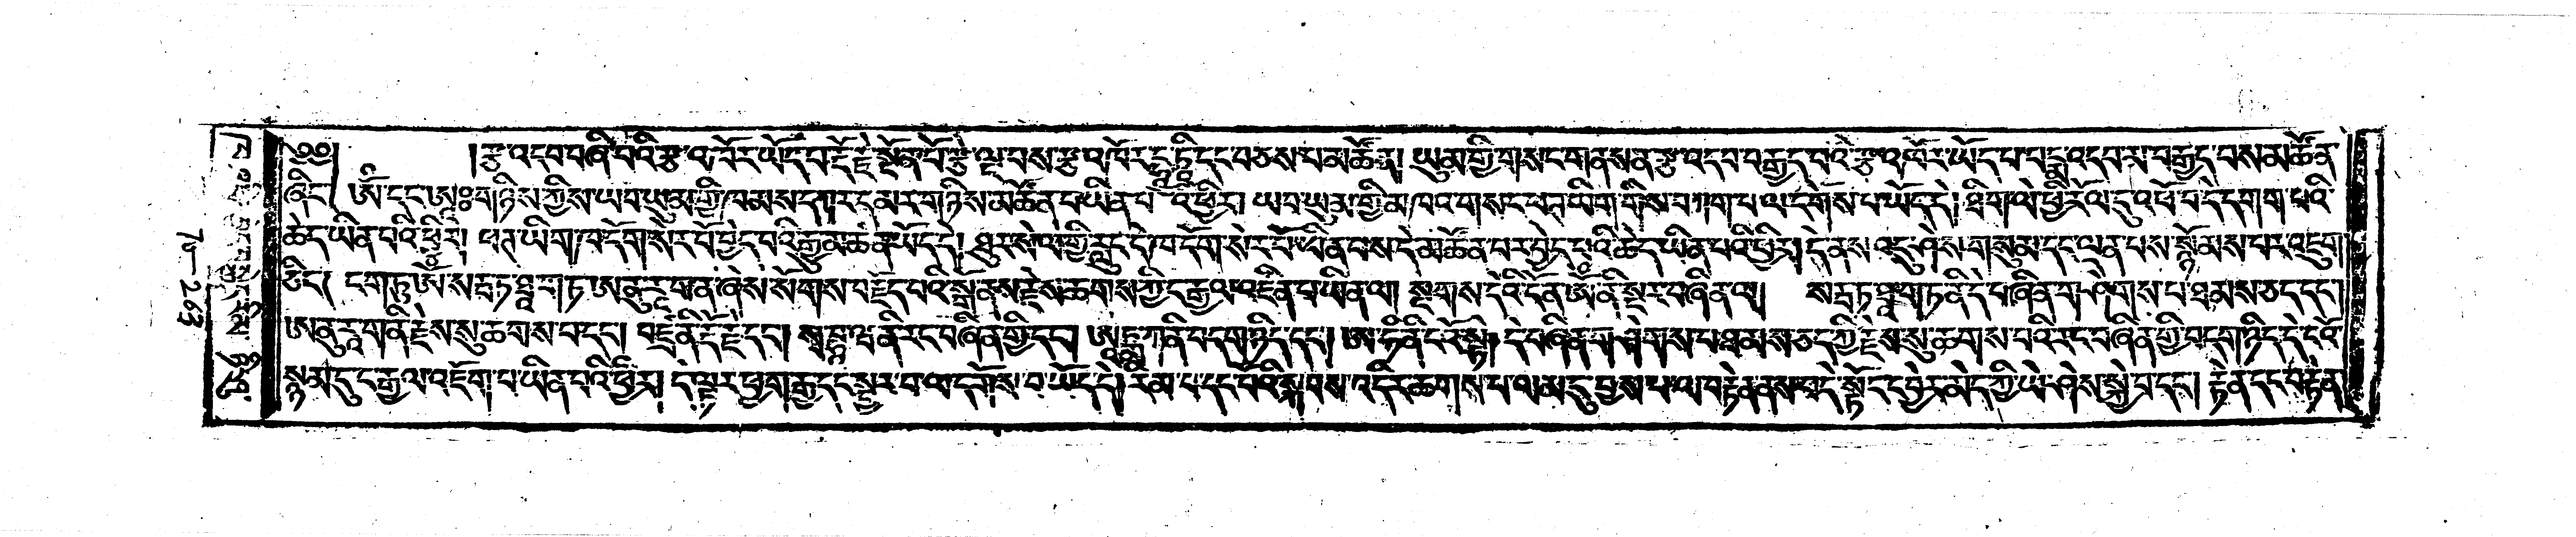༄༅། །རྩ་འདབ་བཞི་པའི་རྩ་འཁོར་ཡོད་པ་རྡོ་རྗེ་སྔོན་པོ་རྩེ་ལྔ་པས་རྩ་འཁོར་དྷཱུ་ཏཱི་དང་བཅས་པ་མཚོན། ཡུམ་གྱི་གསང་གནས་ན་རྩ་འདབ་བརྒྱད་པའི་རྩ་འཁོར་ཡོད་པ་པདམ་འདབ་མ་བརྒྱད་པས་མཚོན་
ཞིང༑ ཨོཾ་དང་ཨཿ གཉིས་ཀྱིས་ཡབ་ཡུམ་གྱི་ཁམས་དཀར་དམར་གཉིས་མཚོན་པ་ཡིན་པའི་ཕྱིར། ཡབ་ཡུམ་གྱི་མཁའ་གསང་ཕཊ་ཡིག་གིས་བཀག་པ་ལ་དགོས་པ་ཡོད་དེ། ཐིག་ལེ་ཕྱི་རོལ་དུ་འཕོ་བ་དེ་དགག་པའི་
ཆེད་ཡིན་པའི་ཕྱིར། ཕཊ་ཡིག་ཁ་དོག་སེར་པོ་བྱེད་པའི་རྒྱུ་མཚན་ཡོད་དེ། ཐུར་སེལ་གྱི་རླུང་དེ་ཁ་དོག་སེར་པོ་ཡིན་པས་དེ་མཚོན་པར་བྱེད་པའི་ཆེད་ཡིན་པའི་ཕྱིར། དེ་ནས་འདུ་ཤེས་གསུམ་དང་ལྡན་པས་སྙོམས་པར་འཇུག་
ཅིང༑ ངག་ཏུ་ཨོཾ་སརྦ་ཏ་ཐཱ་ག་ཏ་ཨ་ནུ་ར་ག་ན་ཞེས་སོགས་བརྗོད་པའི་སྒོ་ནས་རྗེས་ཆགས་ཀྱི་ང་རྒྱལ་འཛིན་པ་ཡིན་ལ། སྔགས་དེའི་དོན་ཨོཾ་ནི་སྔར་བཞིན་ལ། །སརྦ་ཏ་ཐཱ་ག་ཏ་ནི་དེ་བཞིན་གཤེགས་པ་ཐམས་ཅད་དང་།
ཨ་ནུ་རཱ་ག་ནི་རྗེས་སུ་ཆགས་པ་དང་། བཛྲ་ནི་རྡོ་རྗེ་དང་། སྭ་བྷཱ་ཝ་ནི་རང་བཞིན་གྱི་དང་། ཨཱཏྨ་ཀ་ན་བདག་ཉིད་དང་། ཨ་ཧཱུཾ་ནི་ངའོ་སྟེ། དེ་བཞིན་གཤེགས་པ་ཐམས་ཅད་ཀྱི་རྗེས་སུ་ཆགས་པའི་རང་བཞིན་གྱི་བདག་ཉིད་དེ་ངའོ་
སྙམ་དུ་ང་རྒྱལ་འཇོག་པ་ཡིན་པའི་ཕྱིར། དེ་ལྟར་ཕྱག་རྒྱ་དང་སྦྱར་བ་ལ་དགོས་པ་ཡོད་དེ། རིམ་པ་དང་པོའི་སྐབས་འདིར་ཆགས་པ་ལམ་དུ་བྱས་པ་ལ་བརྟེན་ནས་བདེ་སྟོང་དབྱེར་མེད་ཀྱི་ཡེ་ཤེས་སྐྱེ་བ་དང་། རྟེན་དང་བརྟེན་